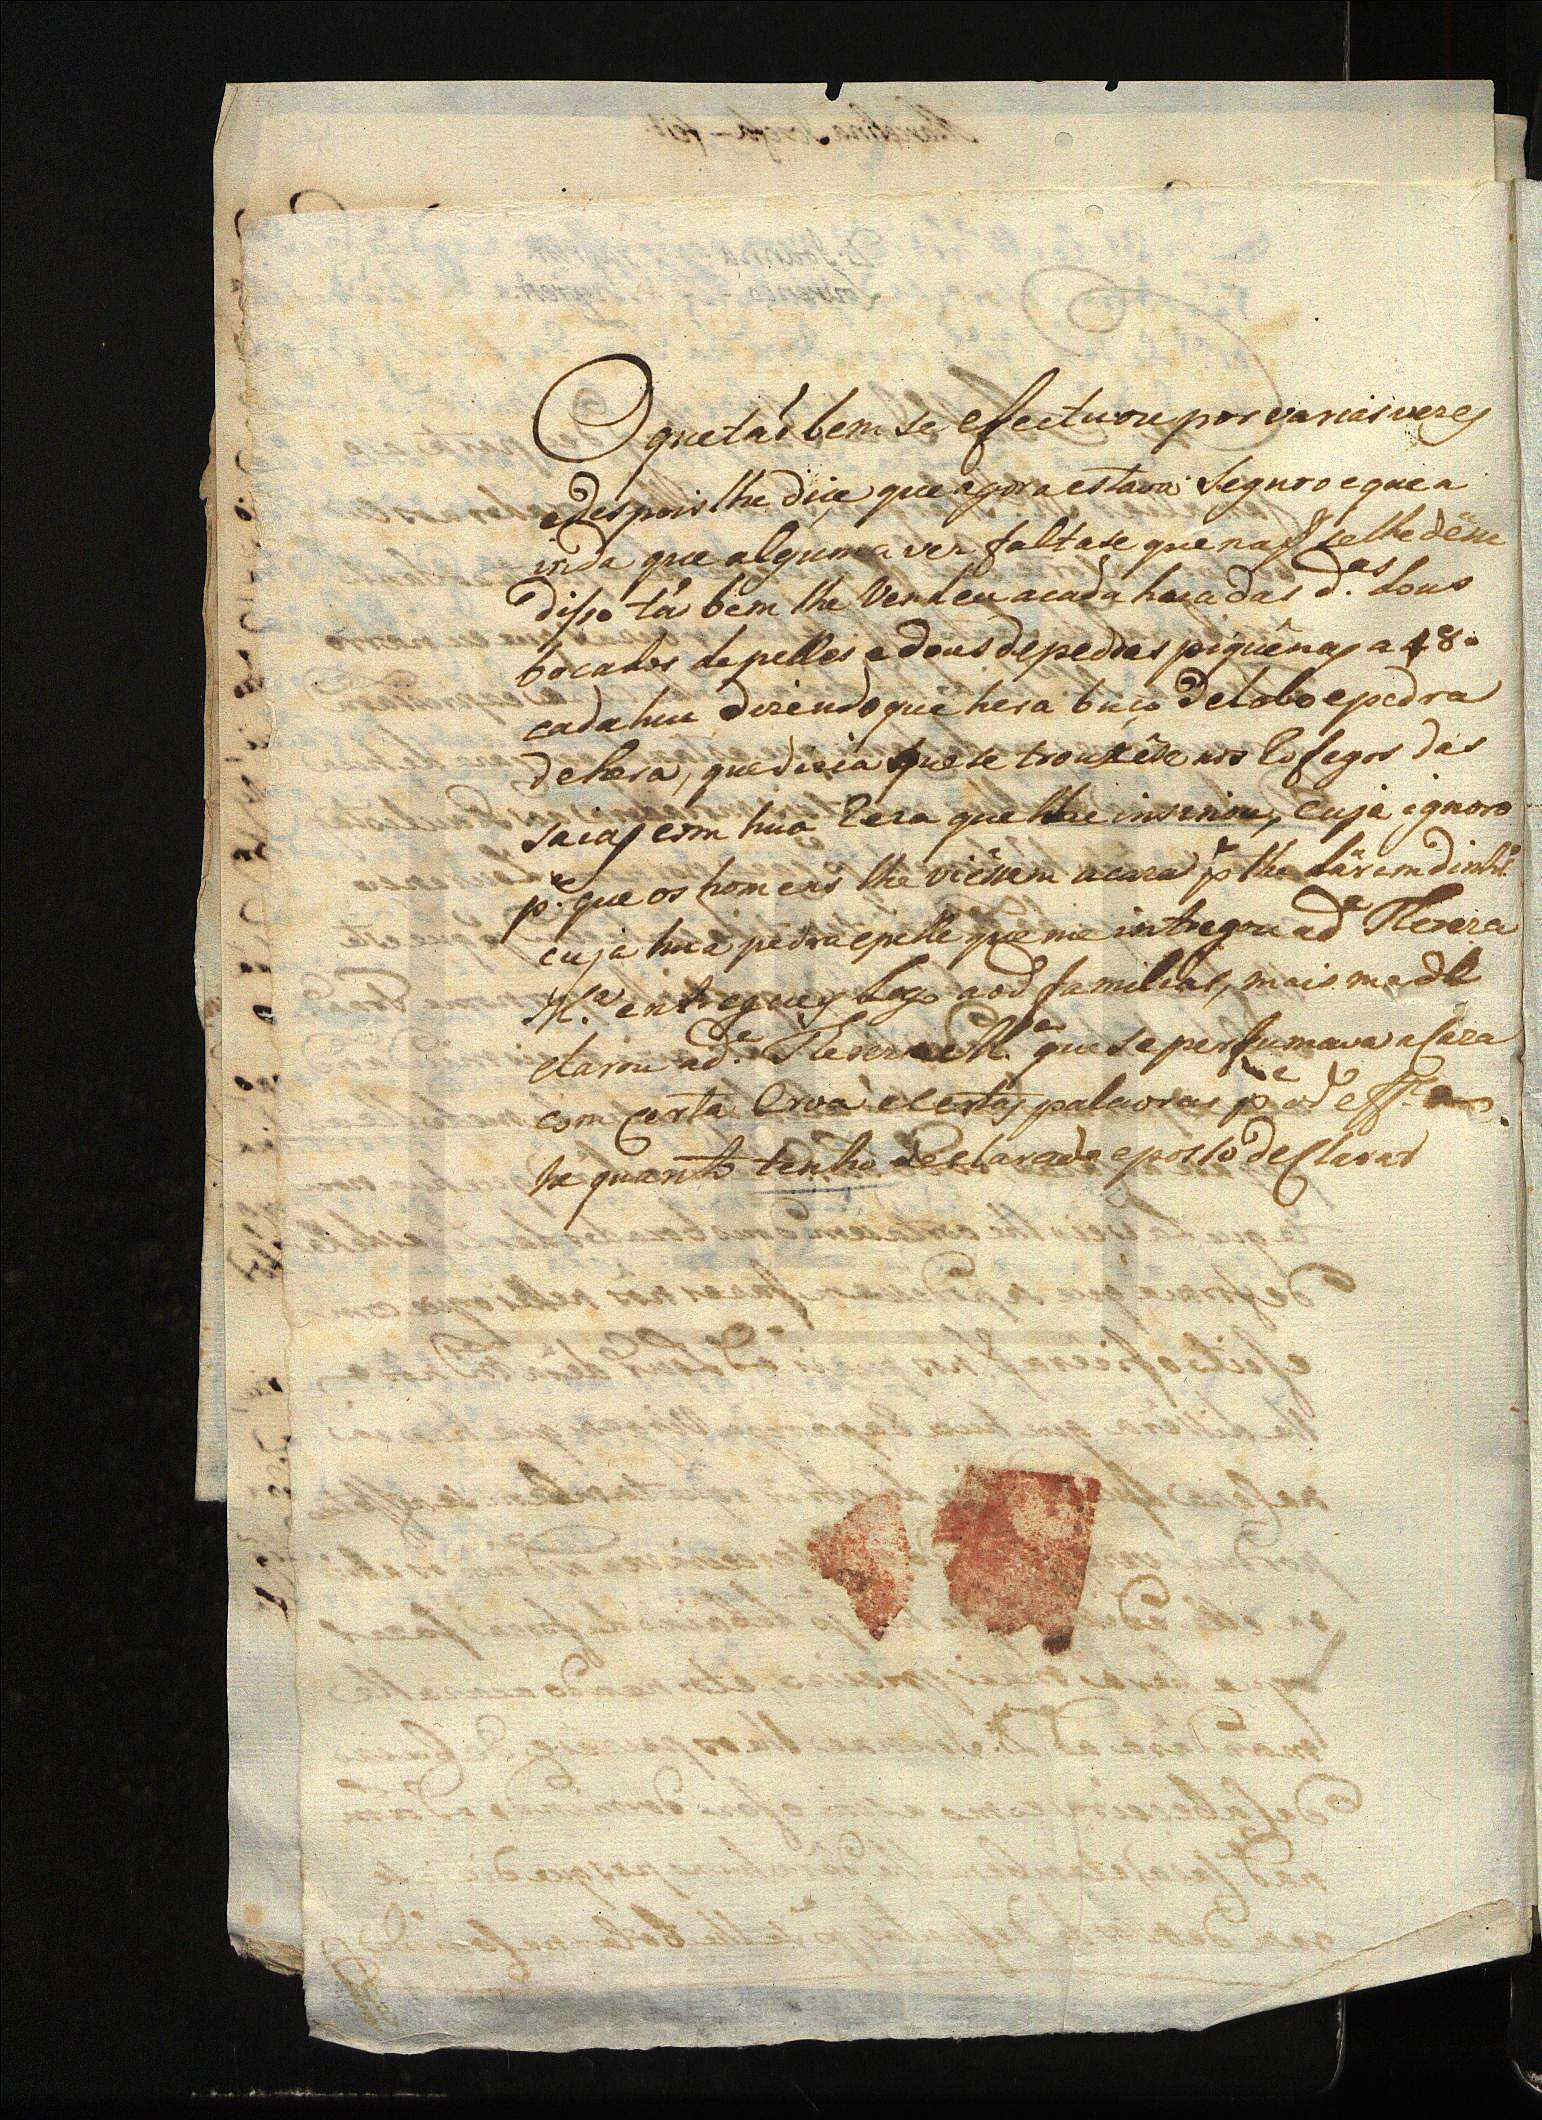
O que taõbem se efectuou por varias vezes
e despois lhe diçe que agora estava seguro e que a
inda que alguma vez faltase que naõ selhe desse
disso taõbem lhe vendeu a cada hua das d.as dous
bocados de pelles e dous de pedras pequénas a 480
cada hua dizendo que hera buço de lobo e pedra
de hera, que dizia que se trouxése aos Rofegor das
saias com hua Reza que lhe insinou, cuja ignoro
p.a que os homens lhe viessem a caza pa lhe dárem dinhr.o
cuja hua pedra e pelle que me intregou a d.a Thereza
M.a entreguey Logo ao do familiar, mais ma de
clarou a d̄.a Thereza M.a que se perfumava a Caza
com Certa erva e certas palavras pa o do eff.to
he quanto tenho declarado e posso deClarar
